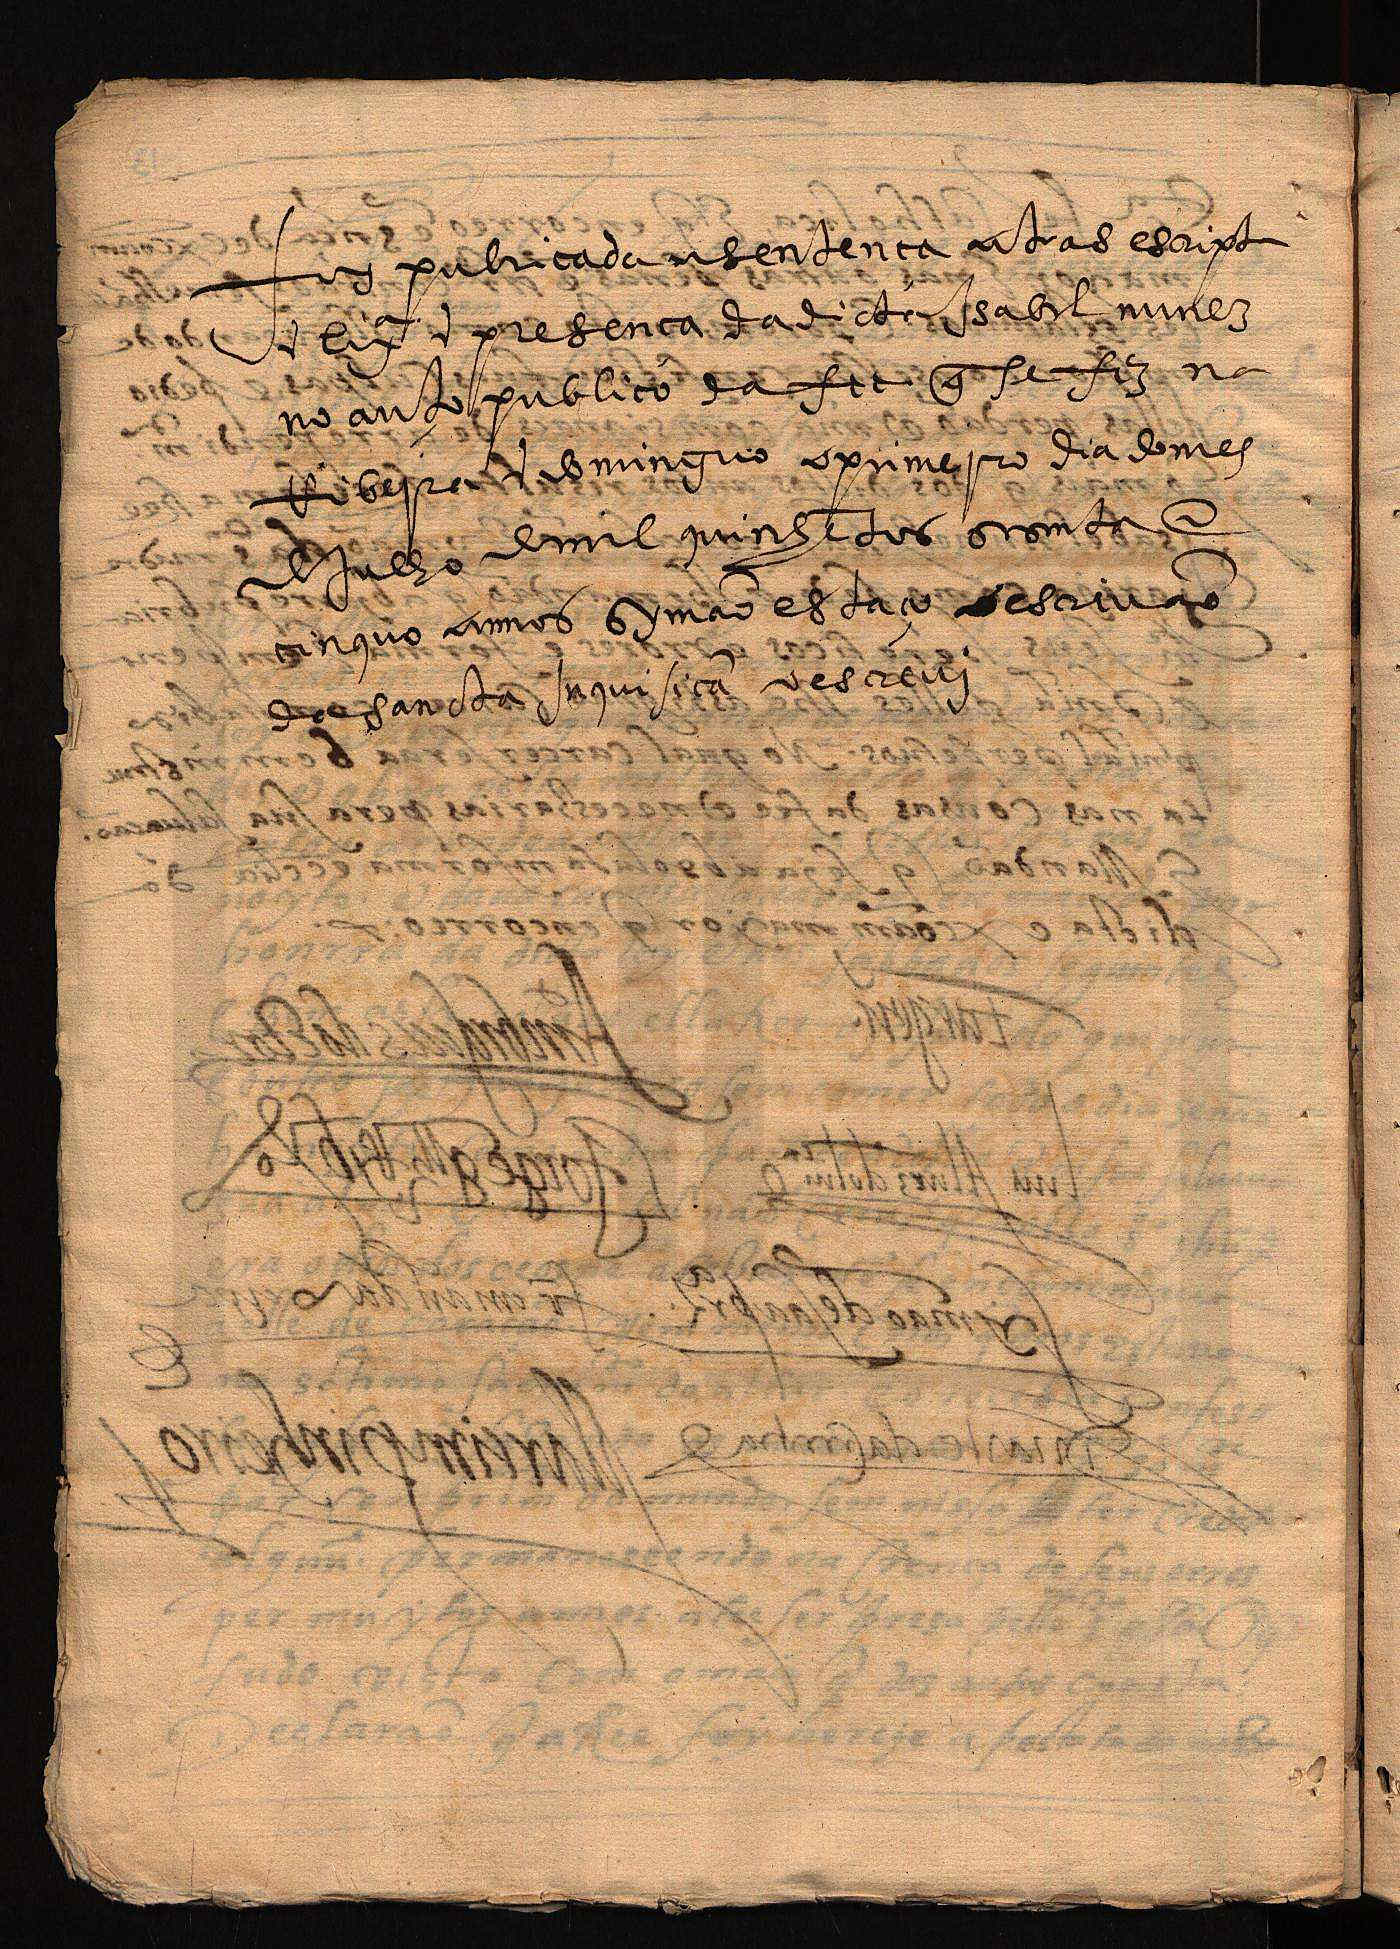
foy pubricada a sentença atras escripta
ē lixa ē presença da dicta Jsabel nunez
no auto publico da fee q̄ se fez na
Ribejra ē dominguo o primejro dia do mes
de Julho de mil quinhētos sesenta e
cinquo annos symaõ estaço o escriuaõ
da sancta Jnquisicā o escreuj
